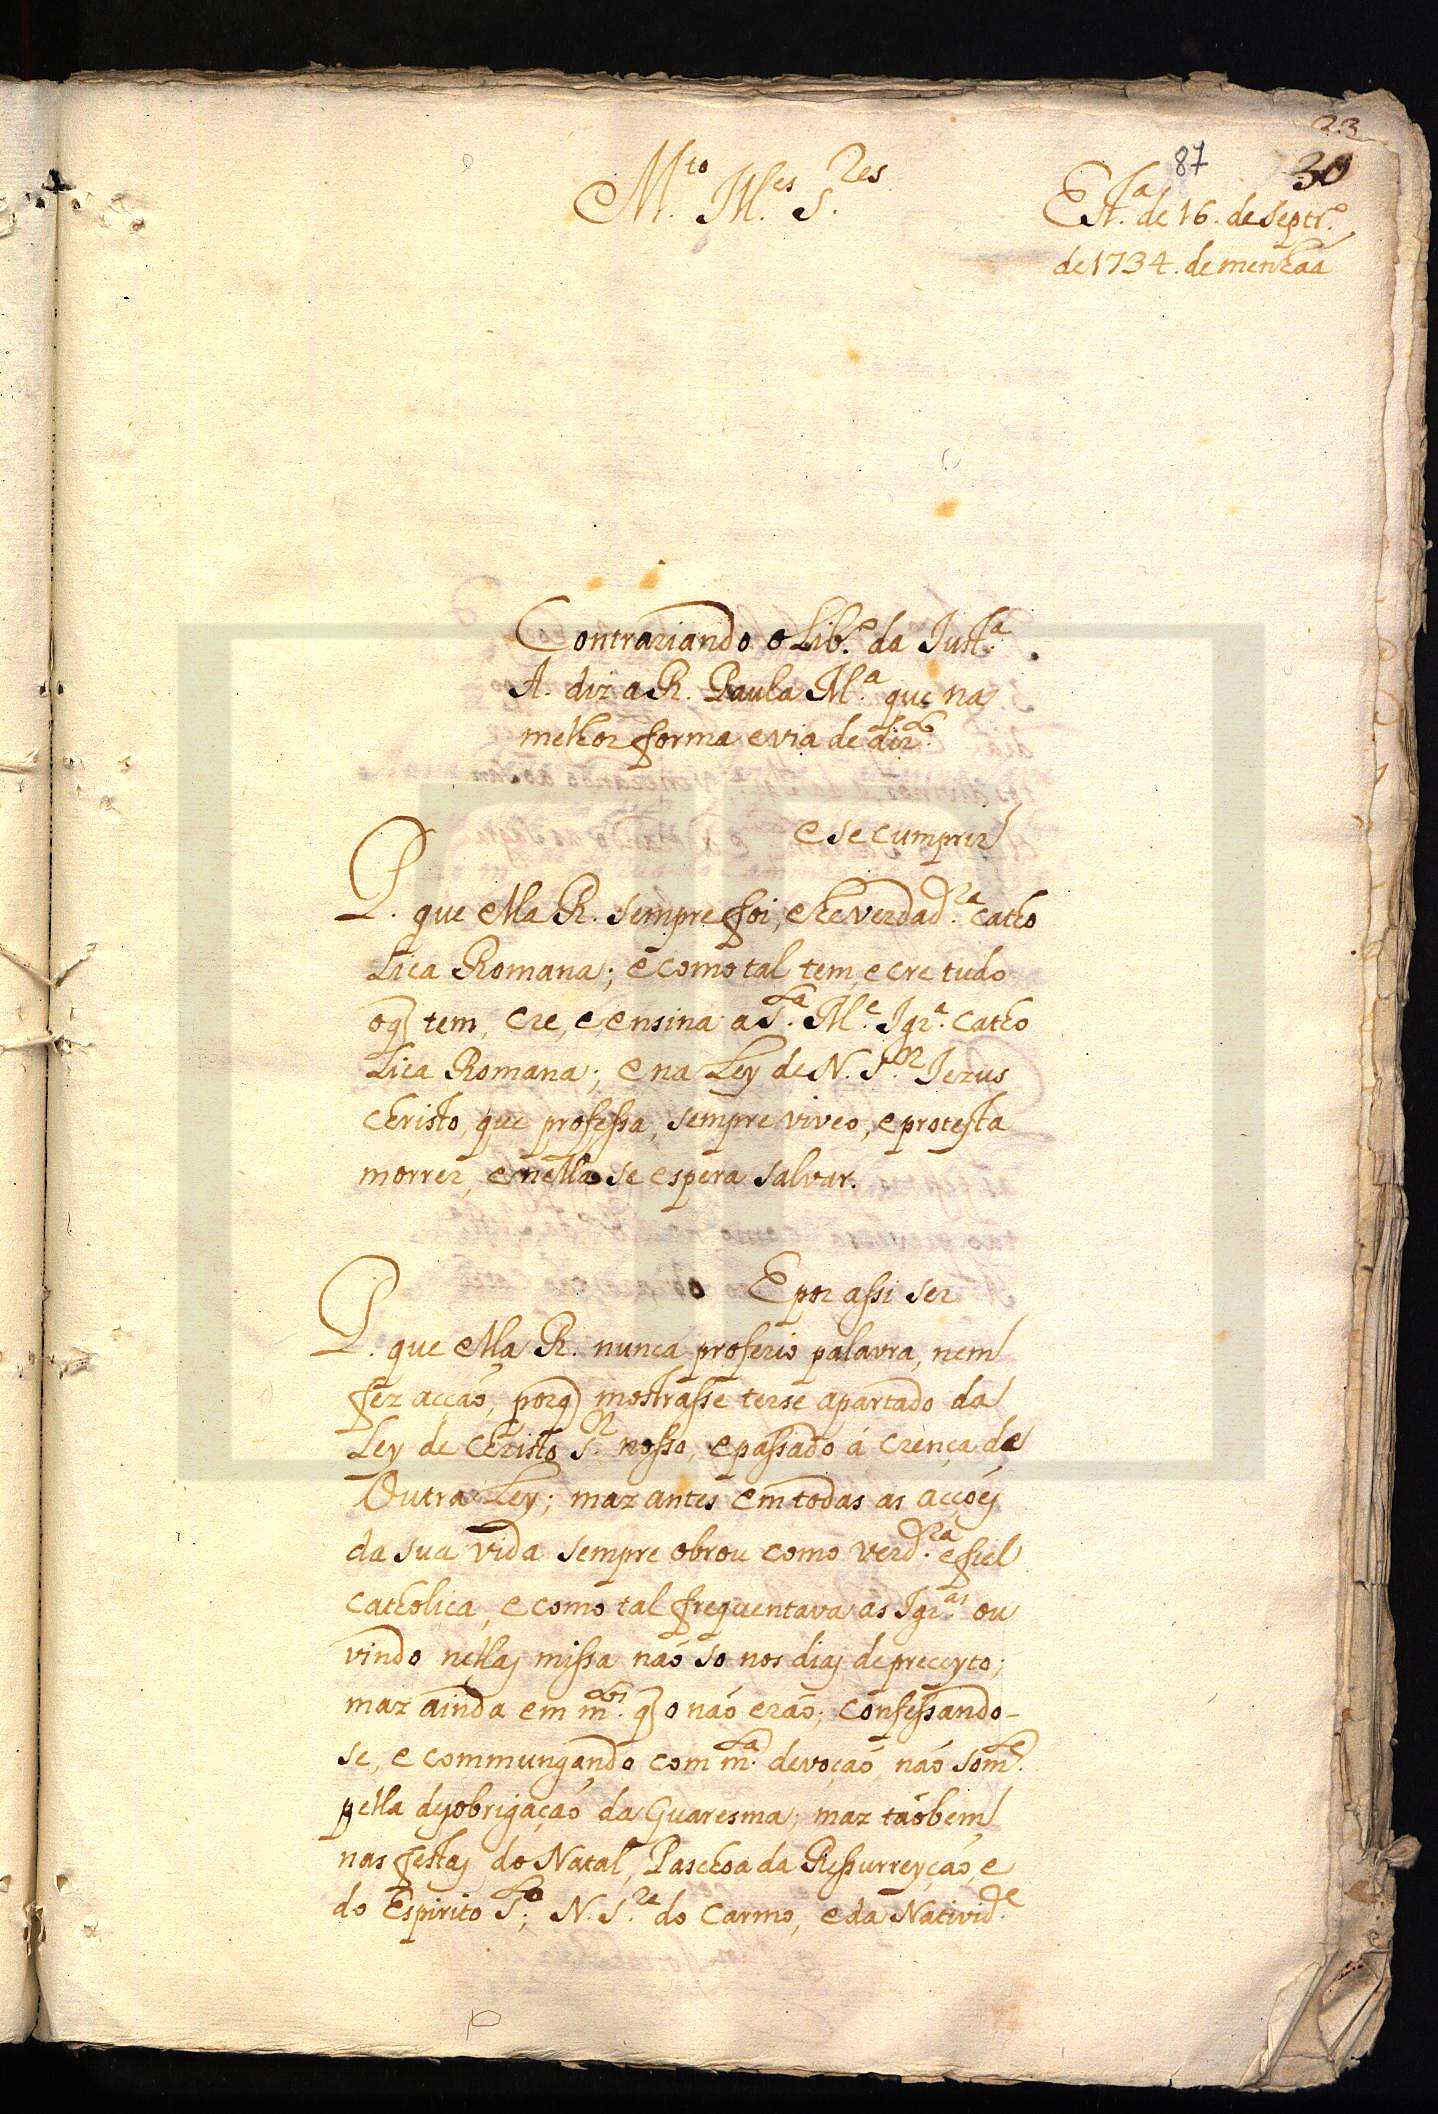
30
Est.a de 16. de septr.o
de 1734 de menhaã
M.to Ill.es s.Res
Contrariando o Lib.o da Iust.a
A. diz a R. Paula M.a que na
melhor forma e via de dir.to
e se cumprir
P. que ella R. sempre foi, e he verdad.ra catho
Lica Romana; e como tal tem, e cre tudo
o q̄ tem, cre e ensina a s.ta M.e Igr.a catho
Lica Romana; e na Ley de N. s.or Iezus
christo, que professa, sempre viveo, e protesta
morrer, e nella se espera salvar.
E por assi ser
P. que ella R. nunca proferio palavra, nem
fez acçaõ, porq̄ mostrasse terse apartado da
Ley de christo s.or nosso, e passado á crença de
Outra Ley; maz antes em todas as acçoẽs
da sua vida sempre obrou como verd.ra e fiel
catholica, e como tal frequentava as Igr.as ou
vindo nellas missa naõ só nos dias de preceyto;
maz ainda em m.tos q̄ o naõ eraõ; confessando
se, e commungando com m.ta devoçaõ naõ som.te
pella desobrigaçaõ da Quaresma, maz taõbem
nas festas do Natal, Paschoa da Ressureyçaõ, e
do Espirito sto; N. S.ra do carmo, e da Nativid.e
